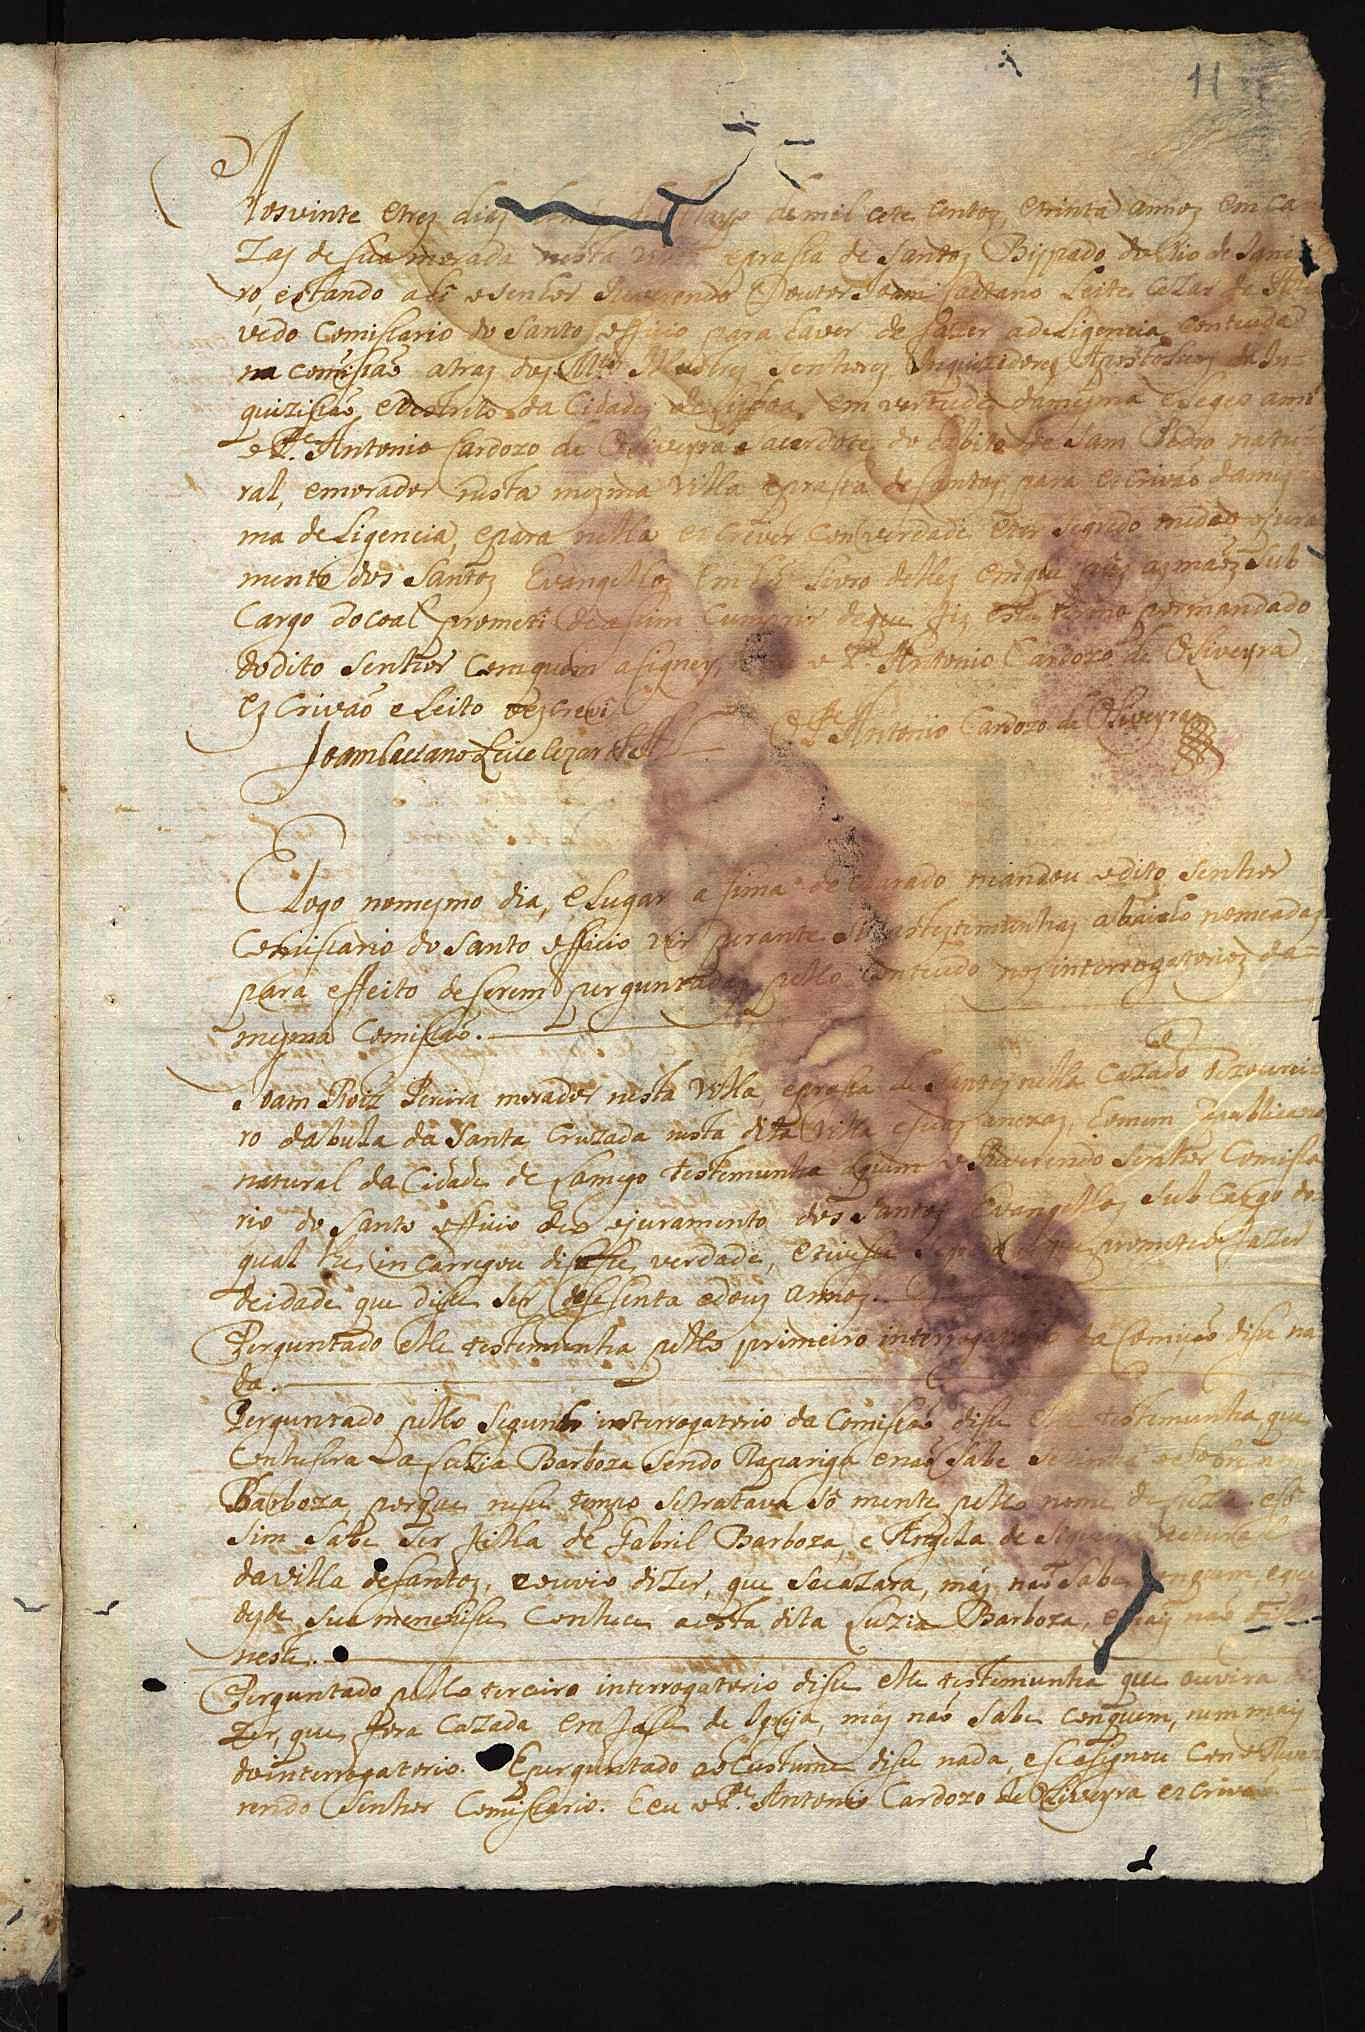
Aos uinte e trez diaz
Mayo de mil cetecentos e trinta annos em ca
Zas de sua morada nesta vila e prassa de Santos Bispado do Rio de Ianei
ro, estando ahi o senhor Reverendo Doutor Ioam Caetano Leite CeZar de Az
vedo Comissario do Santo officio para haver de fazer a deLigencia conteuda
na com̄issaõ atras dos M.tos Illustres Senhores Inquizidores Apostolicos da In
quizissaõ, e destrito da Cidade de Lisboa, em vertude da mesma eLegeo a mī
o P.e Antonio Cardozo de Oliveyra Sacerdote do habito de Sam Pedro natu
ral, e morador nesta mesma Villa e prassa de santos, para escrivaõ da mes
ma deLigencia, e para nella escrever com verdade e ter segredo me deo o jura
mento dos Santos Evangelhos em hū Livro delles em que pûs as maõs sub
Cargo do coal prometi de assim cumprir de que fiz este termo por mandado
do dito Senhor com quem asigney, u o P. Antonio Cardozo de Oliveyra
esCrivaõ eLeito o escrevi
Joam Caetano Leite Cezar d̄ Az.o
O P.e Antonio Cardozo de Oliveyra
E logo no mesmo dia, e lugar asima declarado mandou o dito senhor
Comissario do santo officio vir perante si as testemunhas abaicho nomeadas
para effeito de serem perguntadas pello conteudo nos interrogatorios da
mesma Comissaõ.
Ioam Roiz̄ Pereira morador nesta Villa, e prassa de Santos nella cazado tezourei
ro da bula da Santa Cruzada nesta dita Villa e suas anexas homem Republicano
natural da Cidade de Lamego testemunha a quem o Reverendo Senhor Comissa
rio do Santo officio deo o juramento dos Santos Evangelhos sub Cargo do
qual lhe incarregou dissesse verdade, e tivesse segredo o que prometeo fazer
de idade que disse ser de sesenta e dous annos.
Perguntado elle testemunha pello primeiro interrogat o da Comiçaõ disse na
da.
Perguntado pello Segundo interrogatorio da Comissaõ, disse el testemunha, que
Conhesera a Luzia Barboza sendo Rapariga e naõ sabe se tinha o Sobreno
Barboza, porque nesse tempo se tratava sômente pello nome de Luzia e sô
sim sabe ser filha de Gabriel Barboza, e Angela de Siqueira natural
da villa de santos, e ouvio dizer, que se cazara, mas naõ Sabe on quem; e que
desde sua menenisse Conhece a esta dita Luzia Barboza, e mais naõ diss
neste.
Perguntado pello terceiro interrogatorio disse elle testemunha que ouvira di
zer, que fora cazada em fasse de Igreja, más naõ sabe con quem, nem mais
do interrogatorio. E perguntado ao custume disse nada, e se asignou con o Reve
rendo Senhor Comissario. E eu o P.e Antonio Cardozo de Oliveyra escrivaõ
